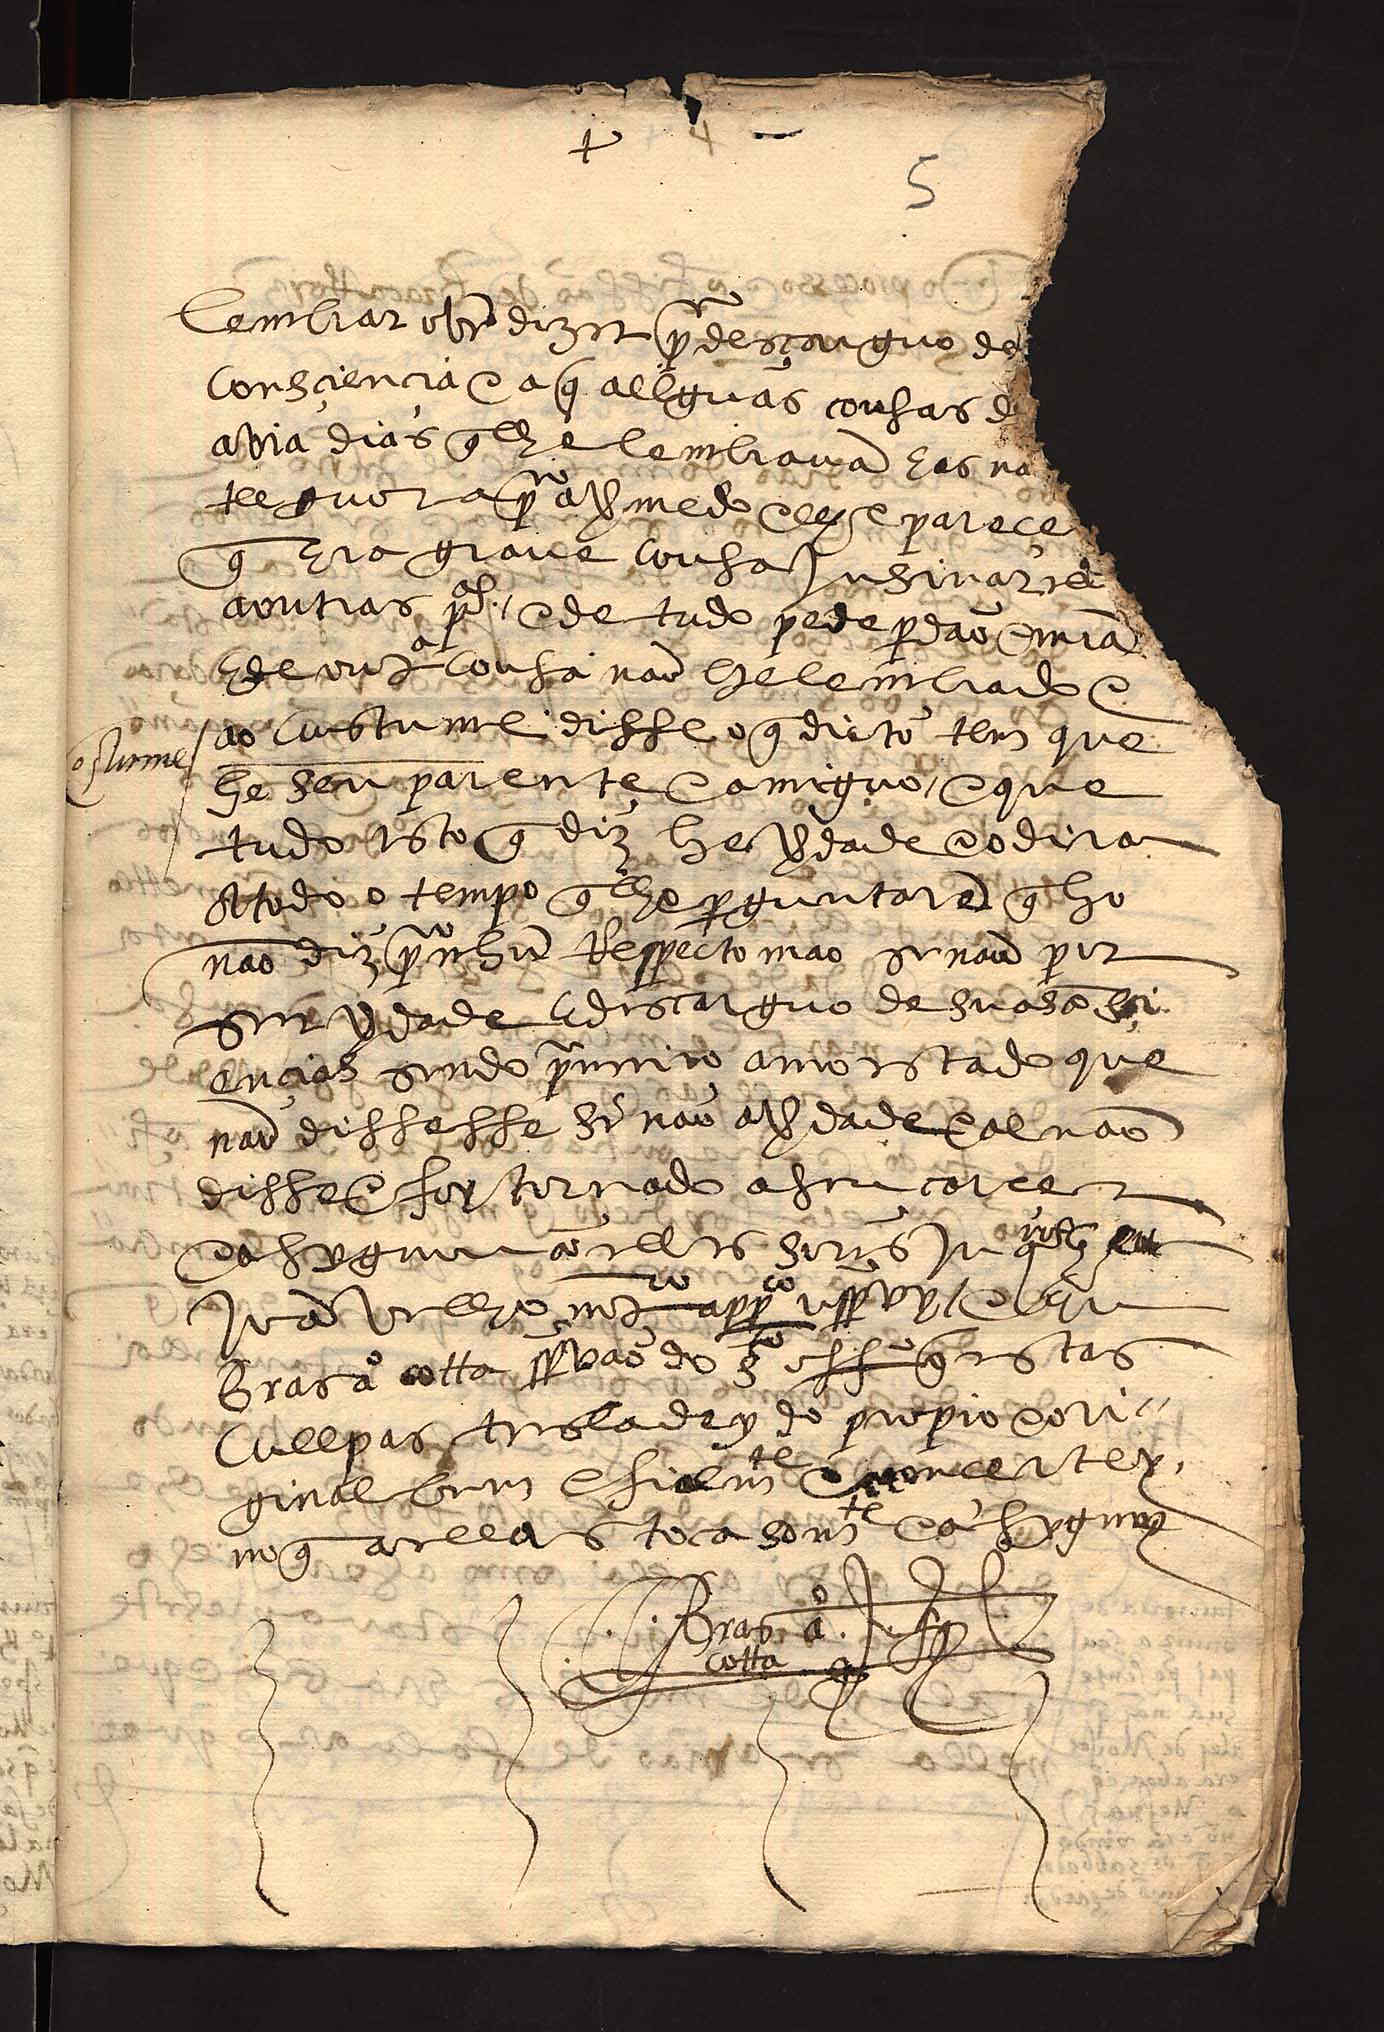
lembrar o vē dizer p̄o descarguo de
consçiençia e a q̄ allguās cousas l_
avia dias q̄ lhe lembraua E as na_
tee guora p̄o aꝟ medo e lhe pareçe
q̄ Era graue cousa Jnsinar e_
a outras pas. / e de tudo pede ꝑdaõ e mīa
E de outa cousa naõ he lembrado e
ao custume disse o que dictō tem que
he seu parente, e amiguo / e que
tudo isto q̄ diz he ꝟdade e o dira
A todo o tempo q̄ lhe ꝑ guntarē q̄ ho
naõ diz̄ ꝑo nhū Respecto mao se naõ por
ser ꝟdade E descarguo de suas cōsçi
ençias sendo p̄meiro amoestado que
naõ dissesse senaõ a ꝟdade e al naõ
disse e foy tornado a seu carçer
e asygnou cō elles sores̄ Jnqros E eu
Joāo Velho notro appco o sꝑvy / e Eu
Bras ao cotta sꝑvaõ do sto offo q̄ estas
cullpas tresladey do propio e ori //
ginal bem e fielmte e conçertey
no q̄ a ellas toca somte e asygney
Costume
